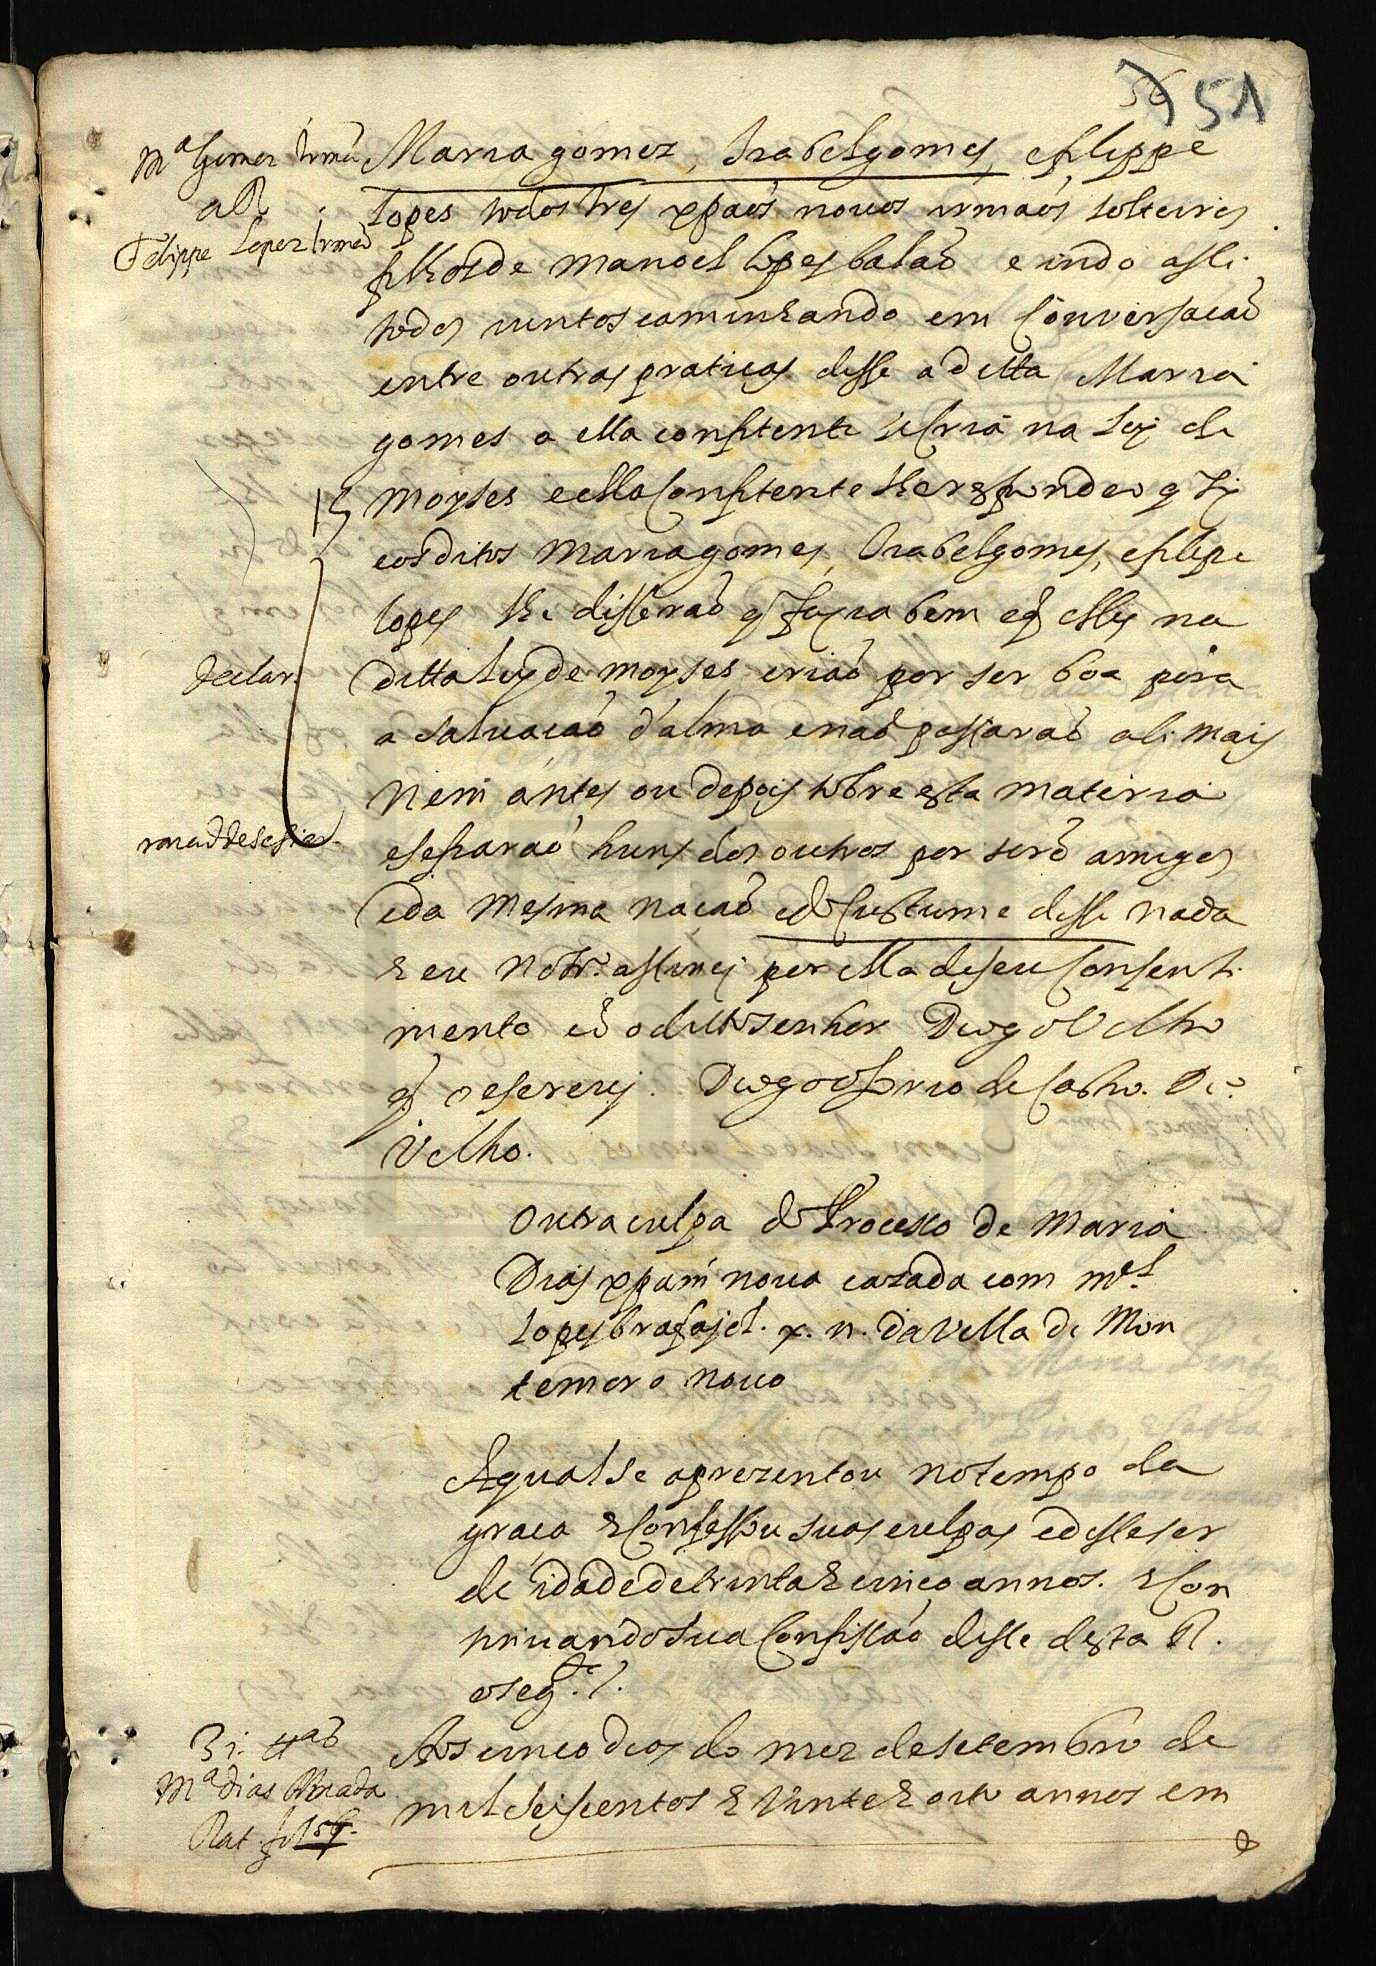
Ma Gomez Irmā
Maria gomez, Izabel gomes, e filippe
a R
lopes todos tres xpaõs nouos irmaõs solteiroz
Felippe Lopez Irmaõ
filhos de manoel lopes balaõ, e indo assi
todos iuntos caminhando em Conversaçaõ
entre outras praticas disse a ditta Maria
gomes a ella confitente se Cria na Ley de
moyses e ella Confitente lhe respondeo q̄ sy
e os ditos maria gomes, Izabel gomes, e filipe
lopes, lhe disseraõ q̄ fazia bem e q̄ elles na
ditta Ley de moyses criaõ por ser boa pera
declar
a saluaçaõ d'alma e naõ passaraõ ali mais
nem antes ou depois sobre esta materia
razaõ de se fiar.
e se fiaraõ huns dos outros por serē amigos
e da mesma nacaõ e do Custume disse nada
E eu notro assinej por ella de seu Consenti
mento cō o ditto senhor Diogo Velho
q̄ o escreuj. Diogo osorio de Castro. Di.o
Velho.
Outra culpa do Processo de maria
Dias xpam̄ noua cazada com m.el
lopes brafajel. x. n. da villa de Mon
temor o nouo
A qual se aprezentou no tempo da
graça E Confessou suas culpas e disse ser
de idade de trinta E cinco annos. E Con
tinuando sua Confissão disse desta R.
o seg.te /.
3i ttas
Aos cinco dias do mez de setembro de
ma dias Amada
mil seiscentos E Vinte E oito annos em
Rat. fol
